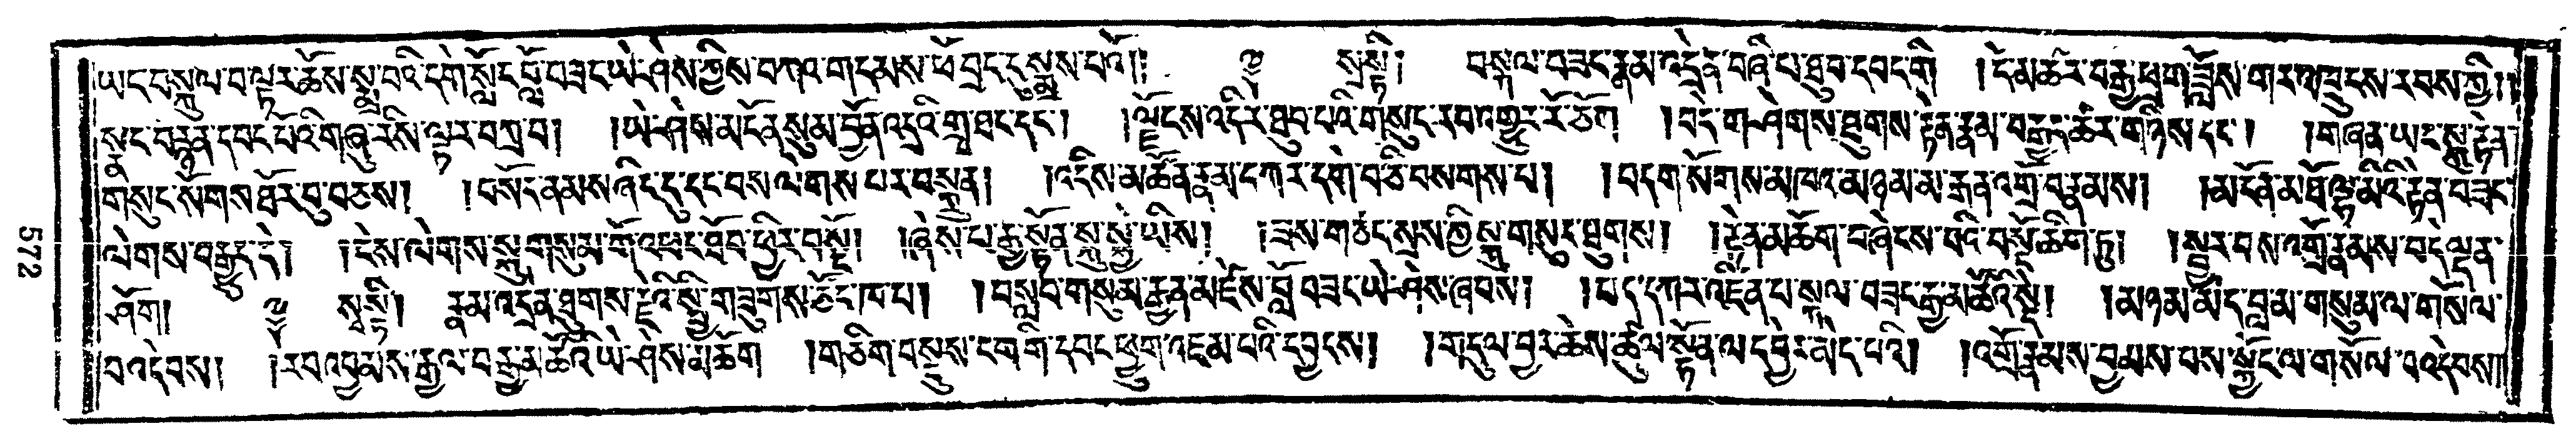ཡང་བསྐུལ་བ་ལྟར་ཆོས་སྨྲ་བའི་དགེ་སློང་བློ་བཟང་ཡེ་ཤེས་ཀྱིས་བཀའ་གདམས་ཕོ་བྲང་དུ་སྨྲས་པའོ། ། ༈ སྲསྟི། བསྐལ་བཟང་རྣམ་འདྲེན་བཞི་པ་ཐུབ་དབང་གི །ངོ་མཚར་བརྒྱ་ཕྲག་ཟློས་གར་འཁྲུངས་རབས་ཀྱི། །
སྣང་བརྙན་དབང་པོའི་གཞུ་རིས་ལྟར་བཀྲ་བ། །ཡེ་ཤེས་མངོན་སུམ་བྱོན་འདྲའི་གྲྭ་ཐང་དང་། །ལྗོངས་འདིར་ཐུབ་པའི་གསུང་རབ་འགྱུར་རོ་ཅོག །བདེ་གཤེགས་ཐུགས་རྟེན་རྣམ་བརྒྱད་ཚར་གཉིས་དང་། །གཞན་ཡང་སྐུ་རྟེན་
གསུང་སོགས་ཐོར་བུ་བཅས། །བསོད་ནམས་ཞིང་དུ་དང་བས་ལེགས་པར་བསྐྲུན། །འདིས་མཚོན་རྣམ་དཀར་དགེ་བ་ཅི་བསགས་པ། །བདག་སོགས་མཁའ་མཉམ་མ་རྒན་འགྲོ་བ་རྣམས། །མངོན་མཐོ་ལྷ་མིའི་རྟེན་བཟང་
ལེགས་བརྒྱུད་དེ། །ངེས་ལེགས་སྐུ་གསུམ་གོ་འཕང་ཐོབ་ཕྱིར་བསྔོ། །ཞེས་པ་རྒྱ་སྟོན་སྐུ་སྐྱེ་ཡིས། །ཟས་གཙང་སྲས་ཀྱི་སྐུ་གསུང་ཐུགས། །རྟེན་མཆོག་བཞེངས་པའི་བསྔོ་ཚིག་ཏུ། །སྦྱར་བས་འགྲོ་རྣམས་བདེ་ལྡན་
ཤོག། ༈ །སྭསྟི། རྣམ་འདྲེན་ཐུགས་རྗེའི་སྤྱི་གཟུགས་ཙོང་ཁ་པ། །བསླབ་གསུམ་རྒྱན་མཛེས་བློ་བཟང་ཡེ་ཤེས་ཞབས། །པད་དཀར་འཛིན་པ་སྐལ་བཟང་རྒྱ་མཚོའི་སྡེ། །མཉམ་མེད་བླ་མ་གསུམ་ལ་གསོལ་
བ་འདེབས། །རབ་འབྱམས་རྒྱལ་བ་རྒྱ་མཚོའི་ཡེ་ཤེས་མཆོག །གཅིག་བསྡུས་ངག་གི་དབང་ཕྱུག་འཇམ་པའི་དབྱངས། །གདུལ་བྱར་ཆེས་ཚུལ་སྟོན་ལ་དབྱེར་མེད་པའི། །འགྲོ་རྣམས་བྱམས་པས་སྐྱོང་ལ་གསོལ་བ་འདེབས།།